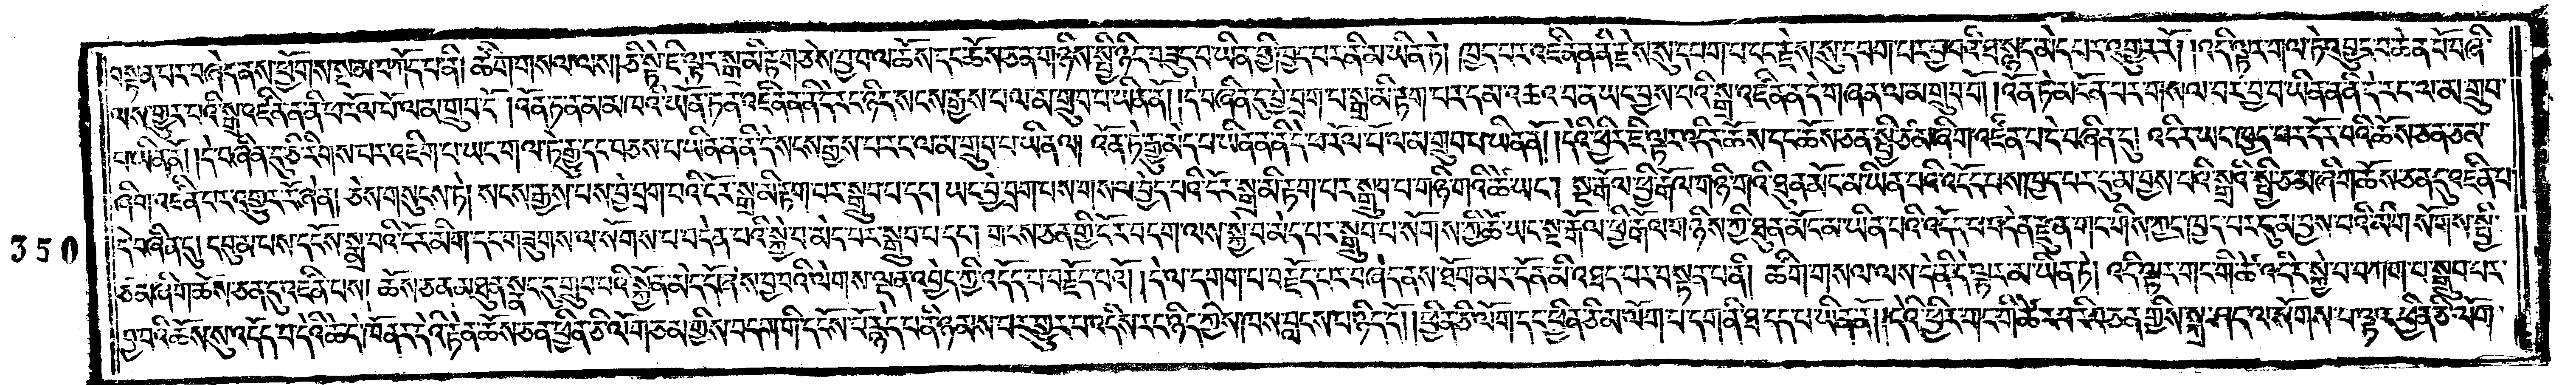བསྟན་པར་བཞེད་ནས་ཕྱོགས་སྔ་མ་བཀོད་པ་ནི། ཚིག་གསལ་ལས། ཅི་སྟེ་ཇི་ལྟར་སྒྲ་མི་རྟག་ཅེས་བྱ་བ་ལ་ཆོས་དང་ཆོས་ཅན་གཉིས་སྤྱི་ཉིད་བཟུང་བ་ཡིན་གྱི་ཁྱད་བར་ནི་མ་ཡིན་ཏེ། ཁྱད་པར་འཛིན་ན་ནི་རྗེས་སུ་དཔག་བ་དང་རྗེས་སུ་དཔག་པར་བྱ་བའི་ཐ་སྙད་མེད་པར་འགྱུར་རོ། །འདི་ལྟར་གལ་ཏེ་འབྱུང་བ་ཆེན་བོ་བཞི་
ལས་གྱུར་བའི་སྒྲ་འཛིན་ན་ནི་ཕ་རོལ་པོ་ལམ་གྲུབ་བོ་།འོན་ཏེ་ནམ་མཁའི་ཡོན་ཏན་འཛིན་ན་ནི་དེ་རང་ཉིད་སངས་རྒྱས་པ་ལ་མ་གྲུབ་པ་ཡིན་ནོ། །དེ་བཞིན་དུ་བྱེ་བྲག་པ་སྒྲ་མི་རྟག་པར་དམ་འཆའ་བ་ན་ཡང་བྱས་པའི་སྒྲ་འཛིན་ན་དེ་གཞན་ལ་མ་གྲུབ་བོ། །འོན་ཏེ་མངོན་བར་གསལ་བར་བྱ་བ་ཡིན་ན་ནི་དེ་རང་ལ་མ་གྲུབ་
པ་ཡིན་ནོ། །དེ་བཞིན་དུ་ཅི་རིགས་པར་འཇིག་པ་ཡང་གལ་ཏེ་རྒྱུ་དང་བཅས་པ་ཡིན་ན་ནི་དེ་སངས་རྒྱས་པ་རང་ལ་མ་གྲུབ་པ་ཡིན་ལ། འོན་ཏེ་རྒྱུ་མེད་པ་ཡིན་ན་ནི་དེ་ཕ་རོལ་པོ་ལ་མ་གྲུབ་པ་ཡིན་ནོ། །དེའི་ཕྱིར་ཇི་ལྟར་འདིར་ཆོས་དང་ཆོས་ཅན་སྤྱི་ཙམ་ཞིག་འཛིན་པ་དེ་བཞིན་དུ། འདིར་ཡང་ཁྱད་པར་དོར་བའི་ཆོས་ཅན་ཅམ་
ཞིག་འཛིན་པར་འགྱུར་རོ་ཞེ་ན། ཅེས་གསུངས་ཏེ། སངས་རྒྱས་པས་བྱེ་བྲག་བའི་ངོར་སྒྲ་མི་རྟག་པར་སྒྲུབ་པ་དང་། ཡང་བྱེ་བྲག་པས་གསལ་བྱེད་པའི་ངོར་སྒྲ་མི་རྟག་པར་སྒྲུབ་པ་གཉི་གའི་ཚེ་ཡང་། སྔ་རྒོལ་ཕྱི་རྒོལ་གཉི་གའི་ཐུན་མོང་མ་ཡིན་བའི་འདོད་པས་ཁྱད་པར་དུ་མ་བྱས་བའི་སྒྲའི་སྤྱི་ཙམ་ཞིག་ཆོས་ཅན་དུ་འཛིན་པ་
དེ་བཞིན་དུ། དབུ་མ་པས་དངོས་སྨྲ་བའི་ངོར་མིག་དང་གཟུགས་ལ་སོགས་པ་བདེན་པའི་སྐྱེ་བ་མེད་པར་སྒྲུབ་པ་དང་། གངས་ཅན་གྱི་ངོར་བདག་ལས་སྐྱེ་བ་མེད་པར་སྒྲུབ་པ་སོགས་ཀྱི་ཆོ་ཡང་སྔ་རྒོལ་ཕྱི་རྒོལ་གཉིས་ཀྱི་ཐུན་མོང་མ་ཡིན་པའི་འདོད་པ་བདེན་རྫུན་གང་གིས་ཀྱང་ཁྱད་པར་དུ་མ་བྱས་བའི་མིག་སོགས་སྤྱི་
ཙམ་ཞིག་ཆོས་ཅན་དུ་འཛིན་པས། ཆོས་ཅན་མཐུན་སྣང་དུ་གྲུབ་པའི་སྐྱོན་མེད་དོ་ཞེས་བྱ་བའི་ལེགས་ལྡན་འབྱེད་ཀྱི་འདོད་པ་བརྗོད་པའོ། །དེ་ལ་དགག་པ་བརྗོད་པར་བཞེད་ནས་ཐོག་མར་དོན་མི་འཐད་པར་བསྟན་པ་ནི། ཚིག་གསལ་ལས་དེ་ནི་དེ་ལྟར་མ་ཡིན་ཏེ། འདི་ལྟར་གང་གི་ཚེ་འདིར་སྐྱེ་བ་བཀག་བ་སྒྲུབ་པར་
བྱ་བའི་ཆོས་སུ་འདོད་པ་དེའི་ཆེ་དེ་ཁོ་ནར་དེའི་རྟེན་ཆོས་ཅན་ཕྱིན་ཅི་ལོག་ཅམ་གྱིས་བདག་གི་དངོས་པོ་རྙེད་པ་ནི་ཉམས་པར་གྱུར་པ་འདིས་རང་ཉིད་ཀྱིས་ཁས་བླངས་བ་ཉིད་དོ། །ཕྱིན་ཅི་ལོག་དང་ཕྱིན་ཅི་མ་ལོག་པ་དག་ནི་ཐ་དད་པ་ཡིན་ནོ། །དེའི་ཕྱིར་གང་གི་ཚེ་རབ་རིབ་ཅན་གྱིས་སྐྲ་ཤད་ལ་སོགས་པ་ལྟར་ཕྱིན་ཅི་ལེག་